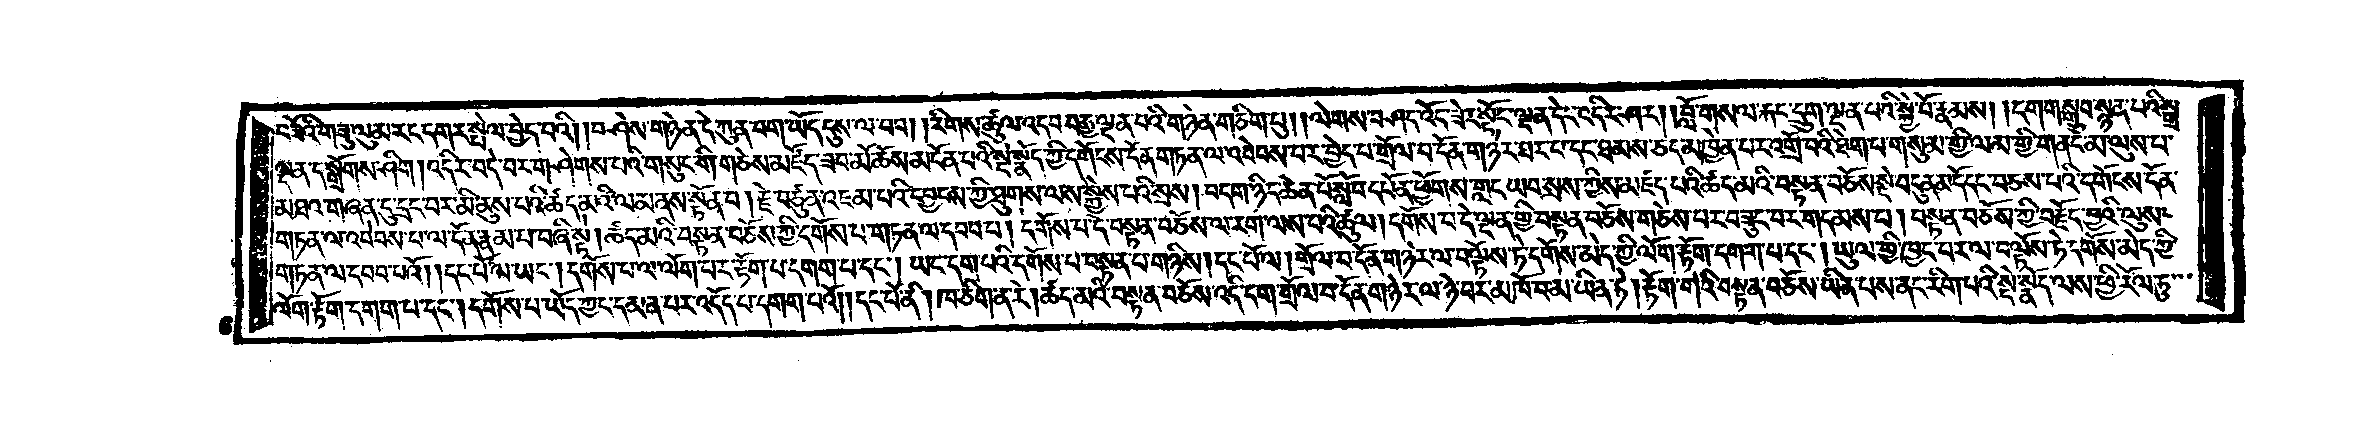བཟོའི་གཟུ་ལུམ་རང་དགར་སྤེལ་བྱེད་པའི། །བཤེས་གཉེན་དེ་ཀུན་བག་ཡོད་དུས་ལ་བབ། །རིགས་ཚུལ་འདབ་བརྒྱ་ལྡན་པའི་གཉེན་གཅིག་པུ། །ལེགས་བཤད་འོད་ཟེར་སྟོང་ལྡན་དེང་འདིར་ཤར། །བློ་གསལ་རྐང་དྲུག་ལྡན་པའི་སྐྱེ་བོ་རྣམས། །དགག་སྒྲུབ་སྙན་པའི་སྒྲ་
ལྡན་ད་?་སྒྲོགས་ཤིག །འདིར་བདེ་བར་གཤེགས་པའི་གསུང་གི་གཅེས་མཛོད་ཟབ་མོ་ཆེས་མངོན་པའི་སྡེ་སྣོད་ཀྱི་དགོངས་དོན་གཏན་ལ་འབེབས་པར་བྱེད་པ་གྲོལ་བ་དོན་གཉེར་ཐར་པ་དང་ཐམས་ཅད་མཁྱེན་པར་འགྲོ་བའི་ཐེག་པ་གསུམ་གྱི་ལམ་གྱི་གནད་མ་ལུས་པ་
མཐའ་གཞན་དུ་དྲང་བར་མི་ནུས་པའི་ཚད་མའི་ལམ་ནས་སྟོན་པ། རྗེ་བཙུན་འཇམ་པའི་དབྱངས་ཀྱི་ཐུགས་ལས་སྐྱེས་པའི་སྲས། བདག་ཉིད་ཆེན་པོ་སློབ་དཔོན་ཕྱོགས་གླང་ཡབ་སྲས་ཀྱིས་མཛད་པའི་ཚད་མའི་བསྟན་བཅོས་སྡེ་བདུན་མདོ་དང་བཅས་པའི་དགོངས་དོན་
གཏན་ལ་འབེབས་པ་ལ་དོན་རྣམ་པ་བཞི་སྟེ། ཚད་མའི་བསྟན་བཅོས་ཀྱི་དགོས་པ་གཏན་ལ་དབབ་པ། དགོས་པ་དེ་བསྟན་བཅོས་ལ་རག་ལས་པའི་ཚུལ། དགོས་པ་དེ་ལྡན་གྱི་བསྟན་བཅོས་གཅེས་པར་བཟུང་བར་གདམས་པ། བསྟན་བཅོས་ཀྱི་བརྗོད་བྱའི་ལུས་
གཏན་ལ་དབབ་པའོ། །དང་པོ་ལ་ཡང་། དགོས་པ་ལ་ལོག་པར་རྟོག་པ་དགག་པ་དང་། ཡང་དག་པའི་དགོས་པ་བསྟན་པ་གཉིས། དང་པོ་ལ། གྲོལ་བ་དོན་གཉེར་ལ་བལྟོས་ཏེ་དགོས་མེད་ཀྱི་ལོག་རྟོག་དགག་པ་དང་། ཡུལ་གྱི་ཁྱད་པར་ལ་བལྟོས་ཏེ་དགོས་མེད་ཀྱི་
ལོག་རྟོག་དགག་པ་དང་། དགོས་པ་ཡོད་ཀྱང་དམན་པར་འདོད་པ་དགག་པའོ། །དང་པོ་ནི། ཁ་ཅིག་ན་རེ། ཚད་མའི་བསྟན་བཅོས་འདི་དག་གྲོལ་བ་དོན་གཉེར་ལ་ཉེ་བར་མཁོ་བ་མ་ཡིན་ཏེ། རྟོག་གེའི་བསྟན་བཅོས་ཡིན་པས་ནང་རིག་པའི་སྡེ་སྣོད་ལས་ཕྱི་རོལ་ཏུ་